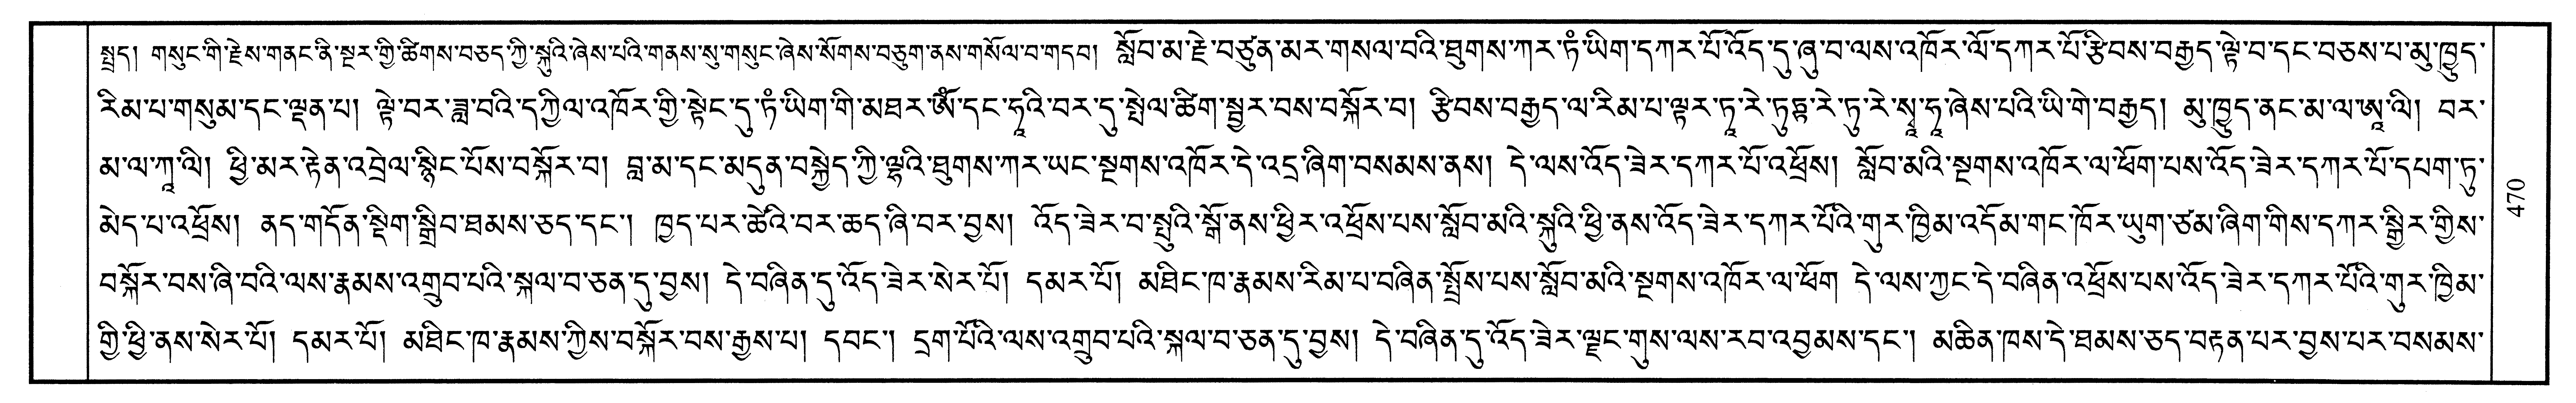སྤྲད། གསུང་གི་རྗེས་གནང་ནི་སྔར་གྱི་ཚིགས་བཅད་ཀྱི་སྐུའི་ཞེས་པའི་གནས་སུ་གསུང་ཞེས་སོགས་བཅུག་ནས་གསོལ་བ་གདབ། སློབ་མ་རྗེ་བཙུན་མར་གསལ་བའི་ཐུགས་ཀར་ཏཾ་ཡིག་དཀར་པོ་འོད་དུ་ཞུ་བ་ལས་འཁོར་ལོ་དཀར་པོ་རྩིབས་བརྒྱད་ལྟེ་བ་དང་བཅས་པ་མུ་ཁྱུད་
རིམ་པ་གསུམ་དང་ལྡན་པ། ལྟེ་བར་ཟླ་བའི་དཀྱིལ་འཁོར་གྱི་སྟེང་དུ་ཏཾ་ཡིག་གི་མཐར་ཨོཾ་དང་ཧཱའི་བར་དུ་སྤེལ་ཚིག་སྦྱར་བས་བསྐོར་བ། རྩིབས་བརྒྱད་ལ་རིམ་པ་ལྟར་ཏཱ་རེ་ཏུཏྟ་རེ་ཏུ་རེ་སྭཱ་ཧཱ་ཞེས་པའི་ཡི་གེ་བརྒྱད། མུ་ཁྱུད་ནང་མ་ལ་ཨཱ་ལི། བར་
མ་ལ་ཀཱ་ལི། ཕྱི་མར་རྟེན་འབྲེལ་སྙིང་པོས་བསྐོར་བ། བླ་མ་དང་མདུན་བསྐྱེད་ཀྱི་ལྷའི་ཐུགས་ཀར་ཡང་སྔགས་འཁོར་དེ་འདྲ་ཞིག་བསམས་ནས། དེ་ལས་འོད་ཟེར་དཀར་པོ་འཕྲོས། སློབ་མའི་སྔགས་འཁོར་ལ་ཕོག་པས་འོད་ཟེར་དཀར་པོ་དཔག་ཏུ་
མེད་པ་འཕྲོས། ནད་གདོན་སྡིག་སྒྲིབ་ཐམས་ཅད་དང་། ཁྱད་པར་ཚེའི་བར་ཆད་ཞི་བར་བྱས། འོད་ཟེར་བ་སྤུའི་སྒོ་ནས་ཕྱིར་འཕྲོས་པས་སློབ་མའི་སྐུའི་ཕྱི་ནས་འོད་ཟེར་དཀར་པོའི་གུར་ཁྱིམ་འདོམ་གང་ཁོར་ཡུག་ཙམ་ཞིག་གིས་དཀར་སྒྱིར་གྱིས་
བསྐོར་བས་ཞི་བའི་ལས་རྣམས་འགྲུབ་པའི་སྐལ་བ་ཅན་དུ་བྱས། དེ་བཞིན་དུ་འོད་ཟེར་སེར་པོ། །དམར་པོ། མཐིང་ཁ་རྣམས་རིམ་པ་བཞིན་སྤྲོས་པས་སློབ་མའི་སྔགས་འཁོར་ལ་ཕོག །དེ་ལས་ཀྱང་དེ་བཞིན་འཕྲོས་པས་འོད་ཟེར་དཀར་པོའི་གུར་ཁྱིམ་
གྱི་ཕྱི་ནས་སེར་པོ། དམར་པོ། མཐིང་ཁ་རྣམས་ཀྱིས་བསྐོར་བས་རྒྱས་པ། དབང་། དྲག་པོའི་ལས་འགྲུབ་པའི་སྐལ་བ་ཅན་དུ་བྱས། དེ་བཞིན་དུ་འོད་ཟེར་ལྗང་གུས་ལས་རབ་འབྱམས་དང་། མཆིན་ཁས་དེ་ཐམས་ཅད་བརྟན་པར་བྱས་པར་བསམས་